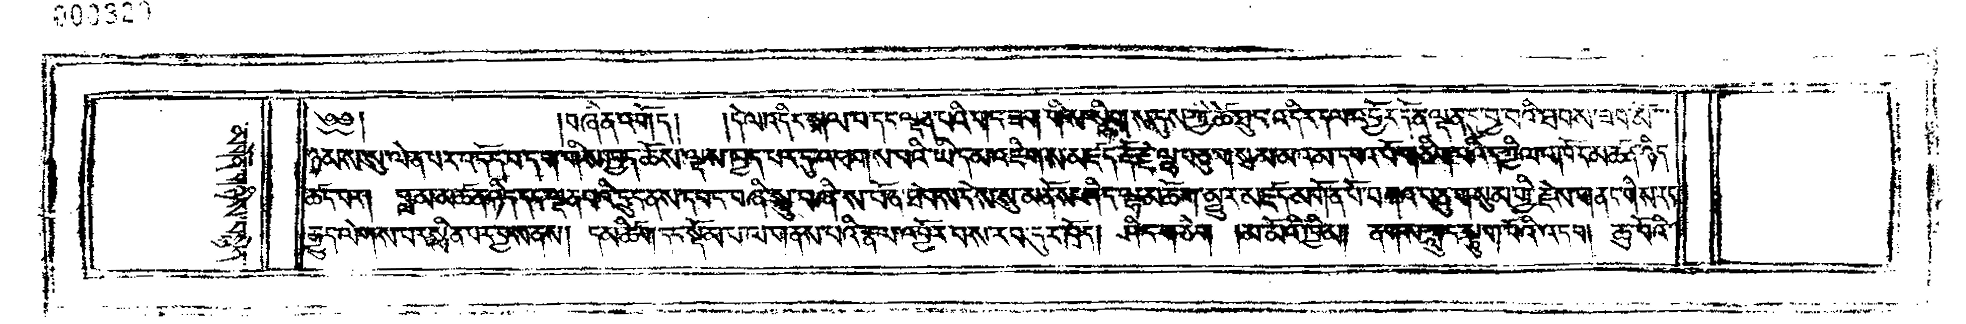༄༅། །བཞིན་འགོད། །དེ་ལ་འདིར་སྐལ་པ་དང་ལྡན་པའི་གང་ཟག་གིས་སྙིགས་དུས་ཀྱི་ཚེ་ཐུང་འདིར་དལ་འབྱོར་དོན་ལྡན་དུ་བྱ་བའི་ཐབས་ཟབ་མོ་
ཉམས་སུ་ལེན་པར་འདོད་པ་དག་གིས་ཁྱད་ཆོས་ལྡས་ཁྱད་པར་དུ་འཕགས་པའི་ཡི་དམ་འཇིགས་མཛད་རྡོ་རྗེ་ལྷ་བཅུ་གསུམ་མའམ་དཔའ་བོ་གཅིག་པའི་དཀྱིལ་འཁོར་མཚན་ཉིད་
ཚང་བར། བླ་མ་མཚན་ཉིད་དང་ལྡན་པའི་དྲུང་ནས་དབང་བཞི་སྐུ་བཞི་ས་བོན་ཐེབས་ངེས་སུ་མནོས་ཤིང་ལྷ་མཆོག་མྱུར་མཛད་མགོན་པོ་བཀའ་བཅུ་གསུམ་གྱི་རྗེས་གནང་གིས་རང་
རྒྱུད་ལེགས་པར་སྨིན་པར་བྱས་ནས། དམ་ཚིག་དང་སྡོམ་པ་ལ་གནས་པའི་རྣལ་འབྱོར་བས་རབ་དུར་ཁྲོད། ཤིང་གཅིག །མ་མོའི་ཁྱིམ། ནགས་ཀླུང་སྟུག་པོའི་འདབ། ཆུ་བོའི་